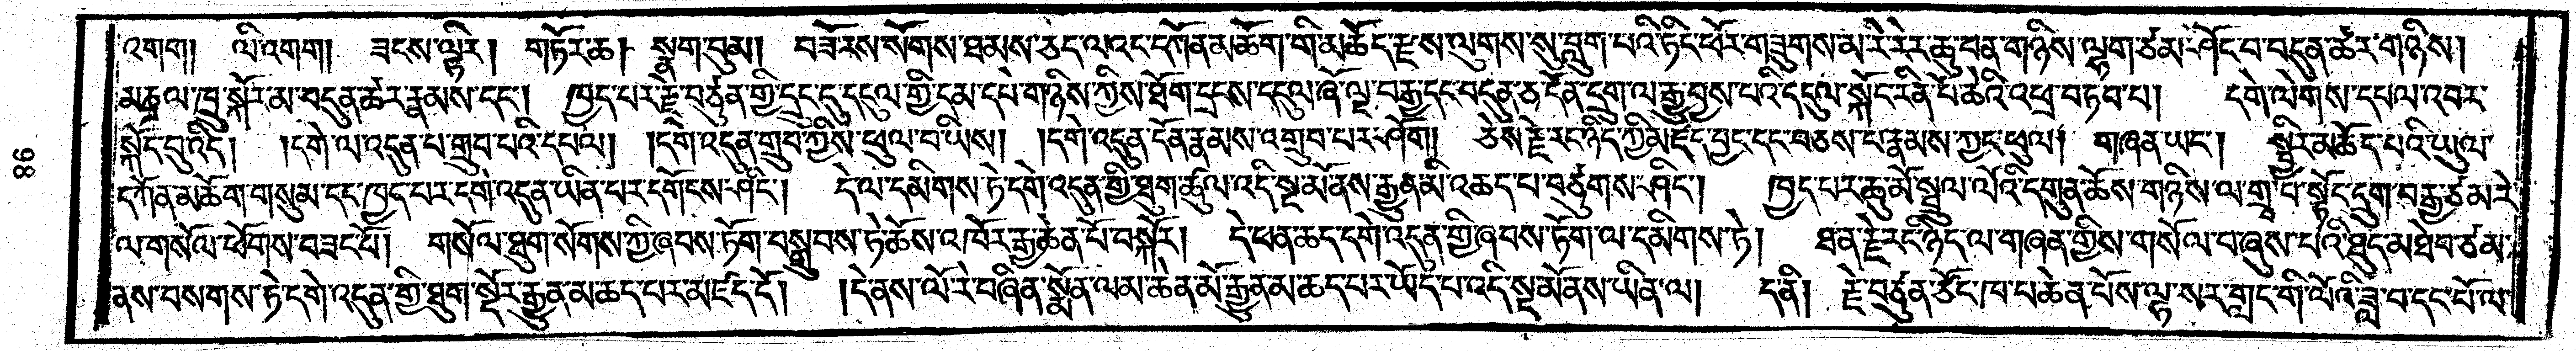འགག། ལི་འགག། ཟངས་ལྟིར། གཏོར་ཆ། སྣག་བུམ། བཟོ་རས་སོགས་ཐམས་ཅད་ལའང་དཀོན་མཆོག་གི་མཆོད་རྫས་ལུགས་སུ་བླུག་པའི་ཏིང་ཕོར་གཟུགས་མ་རེ་རེར་ཆུ་བན་གཉིས་ལྷག་ཙམ་ཤོང་བ་བདུན་ཚར་གཉིས།
མཎྜལ་ཁྲུ་སྐོར་མ་བདུན་ཚར་རྣམས་དང་། ཁྱད་པར་རྗེ་བཙུན་གྱི་དྲུང་དུ་དངུལ་གྱི་དམ་དཔེ་གཉིས་ཀྱིས་ཐོག་དྲངས་དངུལ་ཞོ་ལྔ་བརྒྱ་དང་བདུན་ཅ་དོན་དྲུག་ལ་རྒྱུ་བྱས་པའི་དངུལ་སྐོང་རིན་པོ་ཆེའི་འཕྲ་བཏབ་པ། དགེ་ལེགས་དཔལ་འབར་
སྐོང་བུ་འདི། །དགེ་ལ་འདུན་པ་གྲུབ་པའི་དཔལ། །དགེ་འདུན་གྲུབ་ཀྱིས་ཕུལ་བ་ཡིས། །དགེ་འདུན་དོན་རྣམས་འགྲུབ་པར་ཤོག། ཅེས་རྗེ་རང་ཉིད་ཀྱི་མཛད་བྱང་དང་བཅས་པ་རྣམས་ཀྱང་ཕུལ། གཞན་ཡང་། སྦྱིར་མཆོད་པའི་ཡུལ་
དཀོན་མཆོག་གསུམ་དང་ཁྱད་པར་དགེ་འདུན་ཡིན་པར་དགོངས་ཤིང་། དེ་ལ་དམིགས་ཏེ་དགེ་འདུན་གྱི་ཐུག་ཚུལ་འདི་སྔ་མོ་ནས་རྒྱུན་མི་འཆད་པ་བཙུགས་ཤིང་། ཁྱད་པར་ཆུ་མོ་སྦྲུལ་ལོའི་དགུན་ཆོས་གཉིས་ལ་གྲྭ་པ་སྟོང་དྲུག་བརྒྱ་ཙམ་རེ་
ལ་གསོལ་ཕོགས་བཟང་པོ། གསོལ་ཐུག་སོགས་ཀྱི་ཞབས་ཏོག་བསྒྲུབས་ཏེ་ཆོས་འཁོར་རྒྱ་ཆེན་པོ་བསྐོར། དེ་ཕན་ཆད་དགེ་འདུན་གྱི་ཞབས་ཏོག་ལ་དམིགས་ཏེ། ཐ་ན་རྗེ་རང་ཉིད་ལ་གཞན་གྱིས་གསོལ་བ་ཞུས་པའི་ཐུད་མཐེབ་ཙམ་
ནས་བསགས་ཏེ་དགེ་འདུན་གྱི་ཐུག་སྡོར་རྒྱུན་མ་ཆད་པར་མཛད་དོ། །དེ་ནས་ལོ་རེ་བཞིན་སྨོན་ལམ་ཆེན་མོ་རྒྱུན་མ་ཆད་པར་ཡོད་པ་འདི་སྔ་མོ་ནས་ཡིན་ལ། ད་ནི། རྗེ་བཙུན་ཙོང་ཁ་པ་ཆེན་པོས་ལྷ་སར་གླང་གི་ལོའི་ཟླ་བ་དང་པོ་ལ་